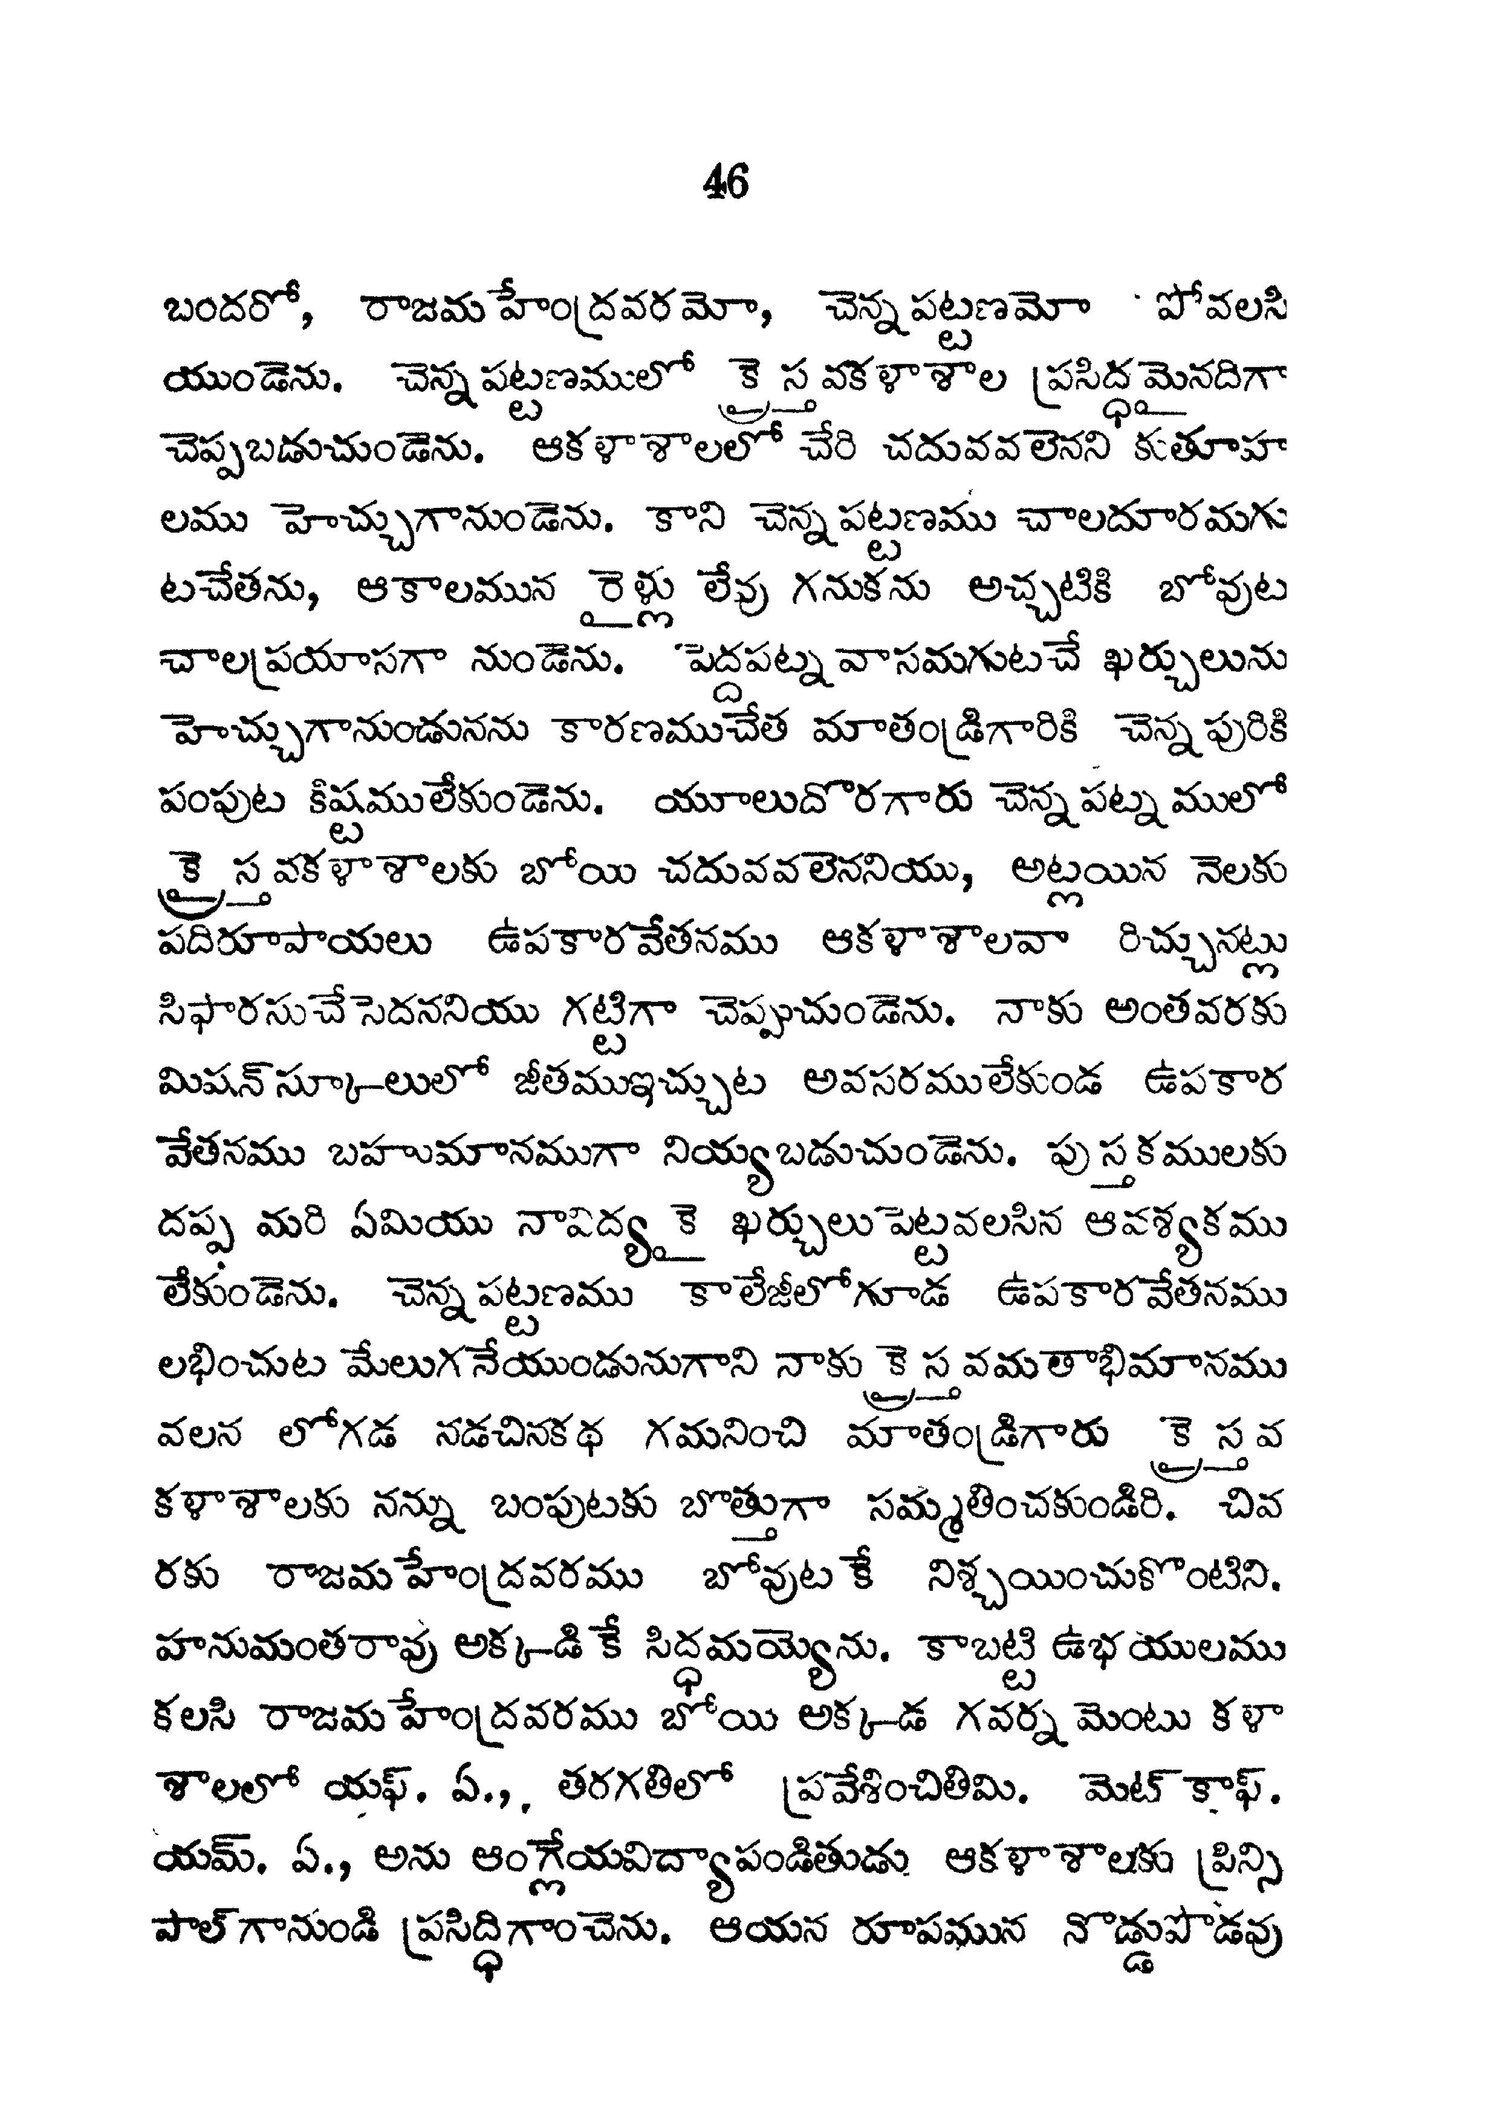బందరో, రాజమహేంద్రవరమో, చెన్నపట్టణమో పోవలసి యుండెను. చెన్నపట్టణములో క్రైస్తవకళాశాల ప్రసిద్ధమైనదిగా చెప్పబడుచుండెను. ఆకళాశాలలో చేరి చదువవలెనని కుతూహలము హెచ్చుగానుండెను. కాని, చెన్నపట్టణము చాలదూరమగుటచేతను, ఆకాలమున రైళ్లు లేవు గనుకను అచ్చటికి బోవుట చాలప్రయాసగా నుండెను. పెద్దపట్న వాసమగుటచే ఖర్చులును హెచ్చుగానుండునను కారణముచేత మాతండ్రిగారికి చెన్నపురికి పంపుట కిష్టములేకుండెను. యూలుదొరగారు చెన్నపట్టణములో క్రైస్తవకళాశాలకు బోయి చదువవలెననియు, అట్లయిన నెలకు పదిరూపాయలు ఉపకారవేతనము ఆకళాశాలవా రిచ్చునట్లు సిఫారసుచేసెదననియు గట్టిగా చెప్పుచుండెను. నాకు అంతవరకు మిషన్‌స్కూలులో జీతముఇచ్చుట అవసరములేకుండ ఉపకారవేతనము బహుమానముగా నియ్యబడుచుండెను. పుస్తకములకు దప్ప మరి ఏమియు నావిద్యకై ఖర్చులుపెట్టవలసిన ఆవశ్యకము లేకుండెను. చెన్నపట్టణము కాలేజిలోగూడ ఉపకారవేతనము లభించుట మేలుగనేయుండునుగాని నాకు క్రైస్తవమతాభిమానము వలన లోగడ నడచినకథ గమనించి మాతండ్రిగారు క్రైస్తవ కళాశాలకు నన్ను బంపుటకు బొత్తుగా సమ్మతించకుండిరి. చివరకు రాజమహేంద్రవరము బోవుటకే నిశ్చయించుకొంటిని. హనుమంతరావు అక్కడికే సిద్ధమయ్యెను. కాబట్టి ఉభయులము కలసి రాజమహేంద్రవరము బోయి అక్కడ గవర్నమెంటు కళాశాలలో యఫ్. ఏ., తరగతిలో ప్రవేశించితిమి. మెట్‌కాఫ్. యమ్. ఏ., అను ఆంగ్లేయవిద్యాపండితుడు ఆకళాశాలకు ప్రిన్సిపాల్‌గానుండి ప్రసిద్ధిగాంచెను. ఆయన రూపమున నొడ్డుపొడవు